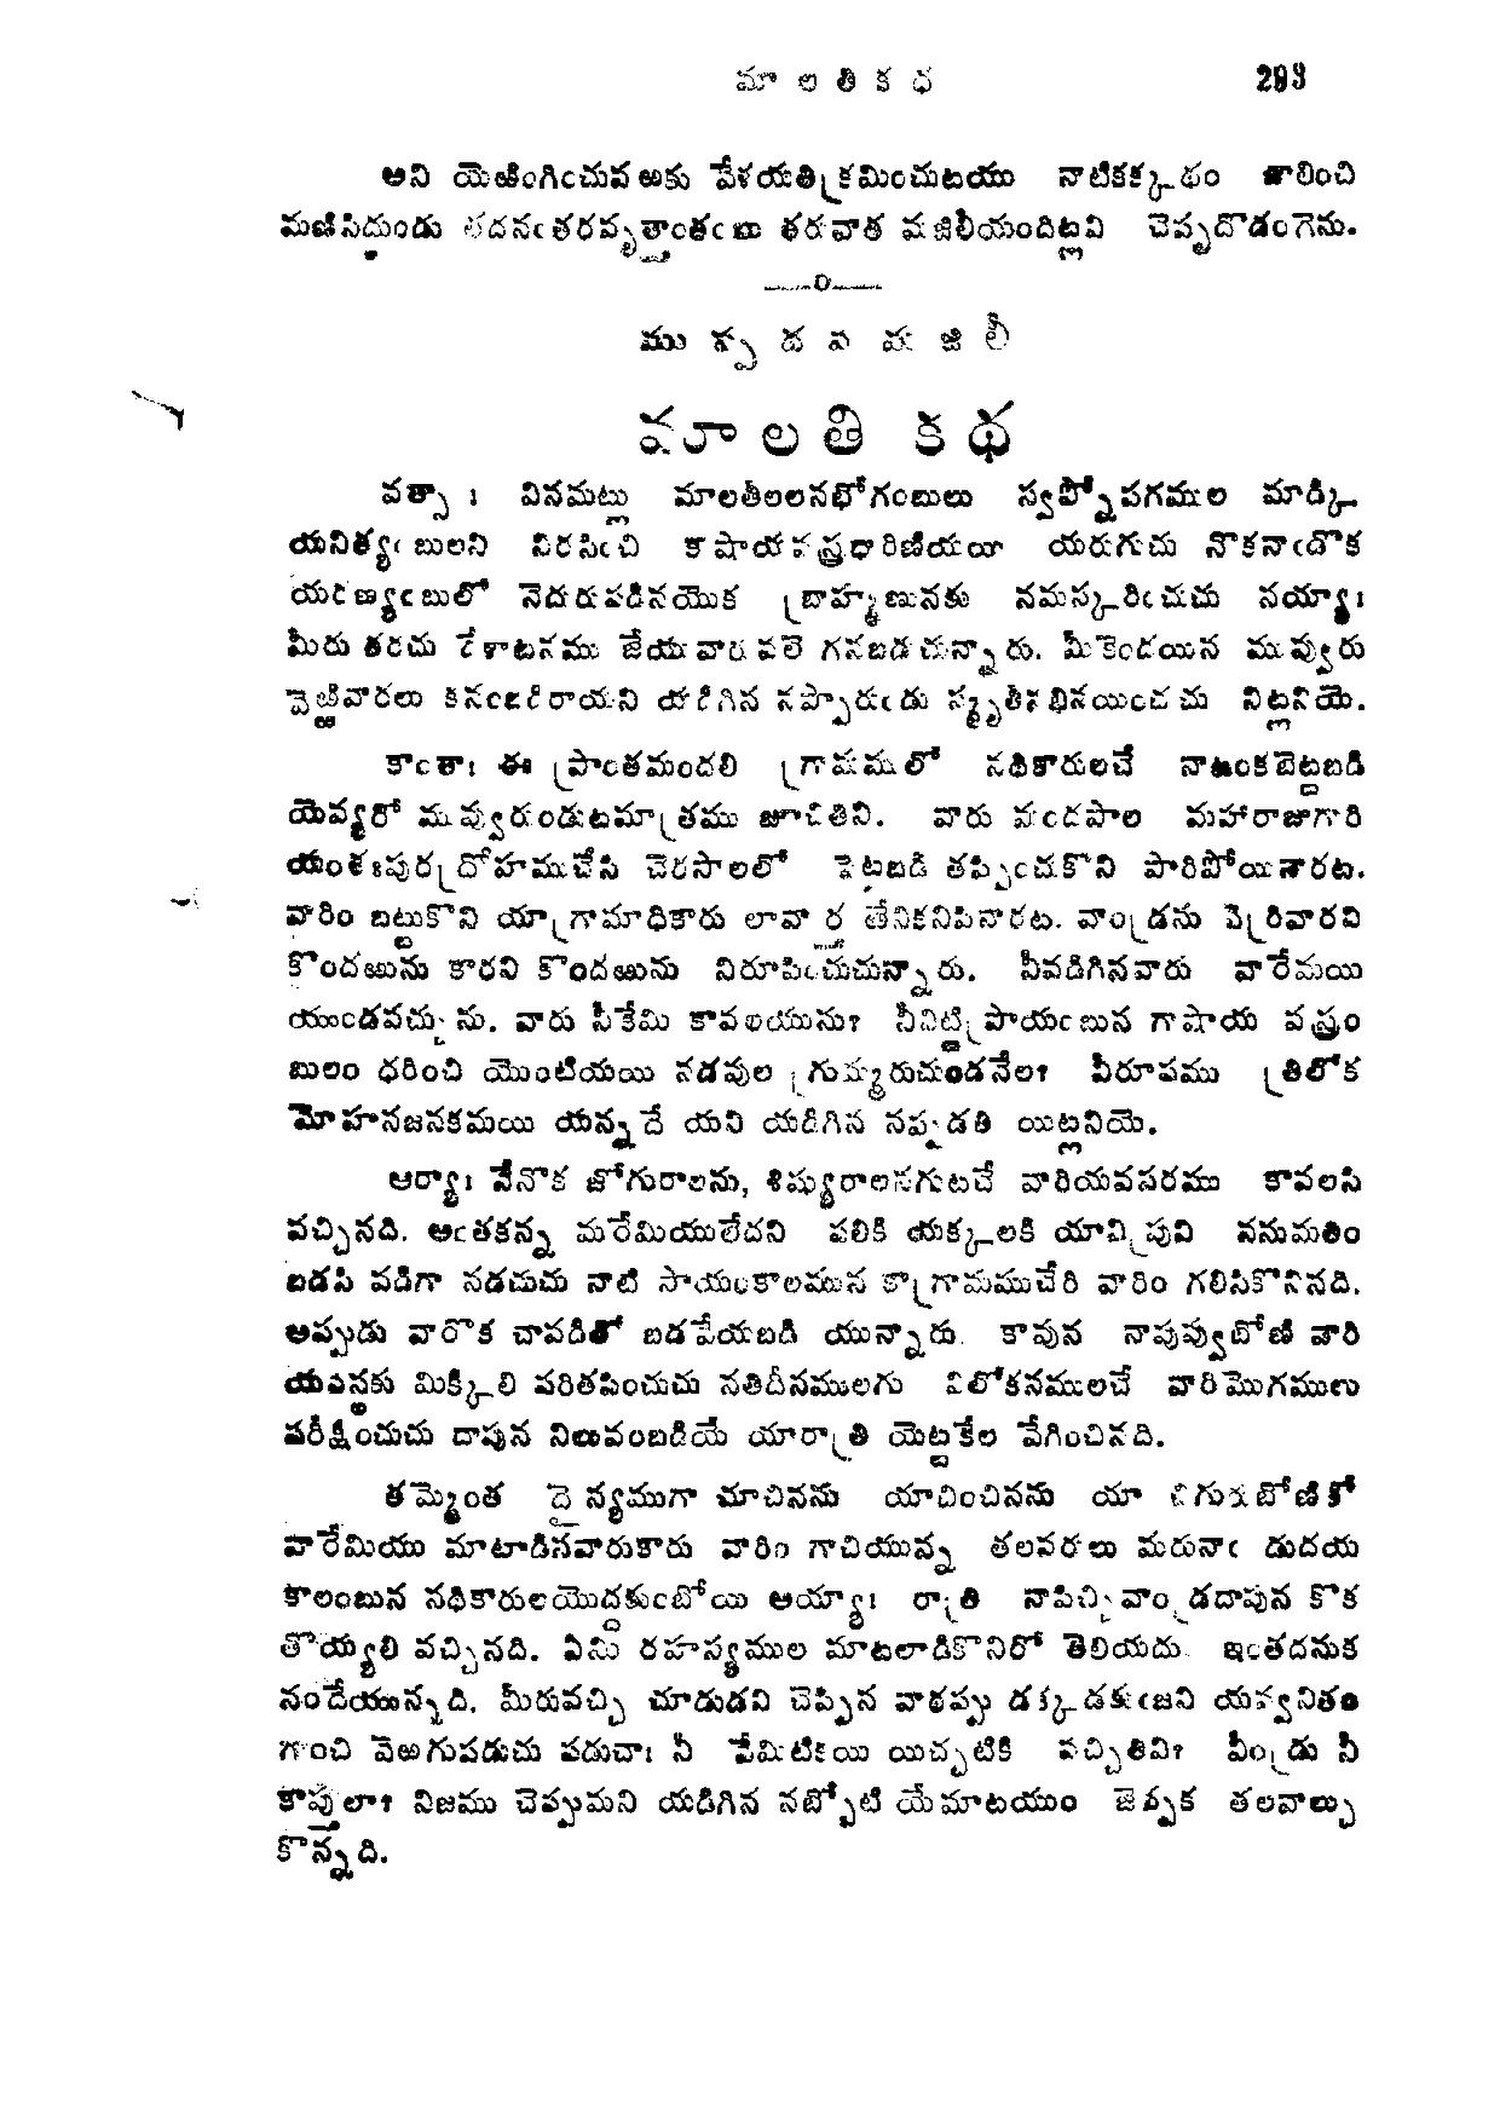అని యెఱింగించువఱకు వేళయతిక్రమించుటయు నాటికక్కథం జాలించి మణిసిద్ధుండు తదనంతర వృత్తాంతంబు తరువాత మజిలీయం దిట్లని చెప్పదొడంగెను.

ముప్పదవ మజిలీ
మాలతి కథ

వత్సా! వినమట్లు మాలతీలలనభోగంబులు స్వప్నోపగముల మాడ్కి యనిత్యంబులని నిరసించి కాషాయవస్త్రధారిణియయి యరుగుచు నొకనాఁడొక యరణ్యంబులో నెదురుపడినయొక బ్రాహ్మణునకు నమస్కరించుచు నయ్యా! మీరు తరచు దేశాటనము జేయువారువలె గనబడుచున్నారు. మీకెందయిన మువ్వురు వెఱ్ఱివారలు కనంబడిరాయని యడిగిన నప్పారుఁడు స్మృతినభినయించుచు నిట్లనియె.

కాంతా! ఈ ప్రాంతమందలి గ్రామములో నధికారులచే నాటంకబెట్టబడి యెవ్యరో మువ్వురుండుటమాత్రము జూచితిని. వారు మందపాల మహారాజుగారి యంతఃపురద్రోహముచేసి చెరసాలలో పెట్టబడి తప్పించుకొని పారిపోయినారట. వారిం బట్టుకొని యా గ్రామాధికారు లావార్త ఱేనికనిపినారట. వాండ్రను వెర్రివారని కొందఱును కారని కొందఱును నిరూపించుచున్నారు. నీవడిగినవారు వారేమయి యుండవచ్చును. వారు నీకేమి కావలయును? నీవిట్టి ప్రాయంబున గాషాయవస్త్రంబులం ధరించి యొంటియయి నడవుల గ్రుమ్మరుచుండనేల? నీరూపము త్రిలోకమోహనజనకమయి యున్నదే యని యడిగిన నప్పడతి యిట్లనియె.

ఆర్యా! నేనొక జోగురాలను, శిష్యురాలనగుటచే వారియవసరము కావలసి వచ్చినది. అంతకన్న మరేమియులేదని పలికి యక్కలకి యావిప్రుని ననుమతిం బడసి వడిగా నడచుచు నాటి సాయంకాలమున కాగ్రామముచేరి వారిం గలిసికొనినది. అప్పుడు వారొక చావడిలో బడవేయబడి యున్నారు. కావున నాపువ్వుబోణి వారి యవస్థకు మిక్కిలి పరితపించుచు నతిదీనములగు విలోకనములచే వారిమొగములు పరీక్షించుచు దాపున నిలువంబడియే యారాత్రి యెట్టకేల వేగించినది.

తమ్మెంత దైన్యముగా చూచినను యాచించినను యా చిగురుబోణితో వారేమియు మాటాడినవారుకారు వారిం గాచియున్న తలవరులు మరునాఁ డుదయ కాలంబున నధికారులయొద్దకుంబోయి అయ్యా! రాత్రి నాపిచ్చివాండ్రదాపున కొక తొయ్యలి వచ్చినది. ఏమి రహస్యముల మాటలాడికొనిరో తెలియదు. ఇంతదనుక నందేయున్నది. మీరువచ్చి చూడుడని చెప్పిన వారప్పు డక్కడకుఁజని యవ్వనితం గాంచి వెఱగుపడుచు పడుచా! నీ వేమిటికయి యిచ్చటికి వచ్చితివి? వీండ్రు నీ కాప్తులా ? నిజము చెప్పుమని యడిగిన నబ్ఫోటి యేమాటయుం జెప్పక తలవాల్చు కొన్నది.